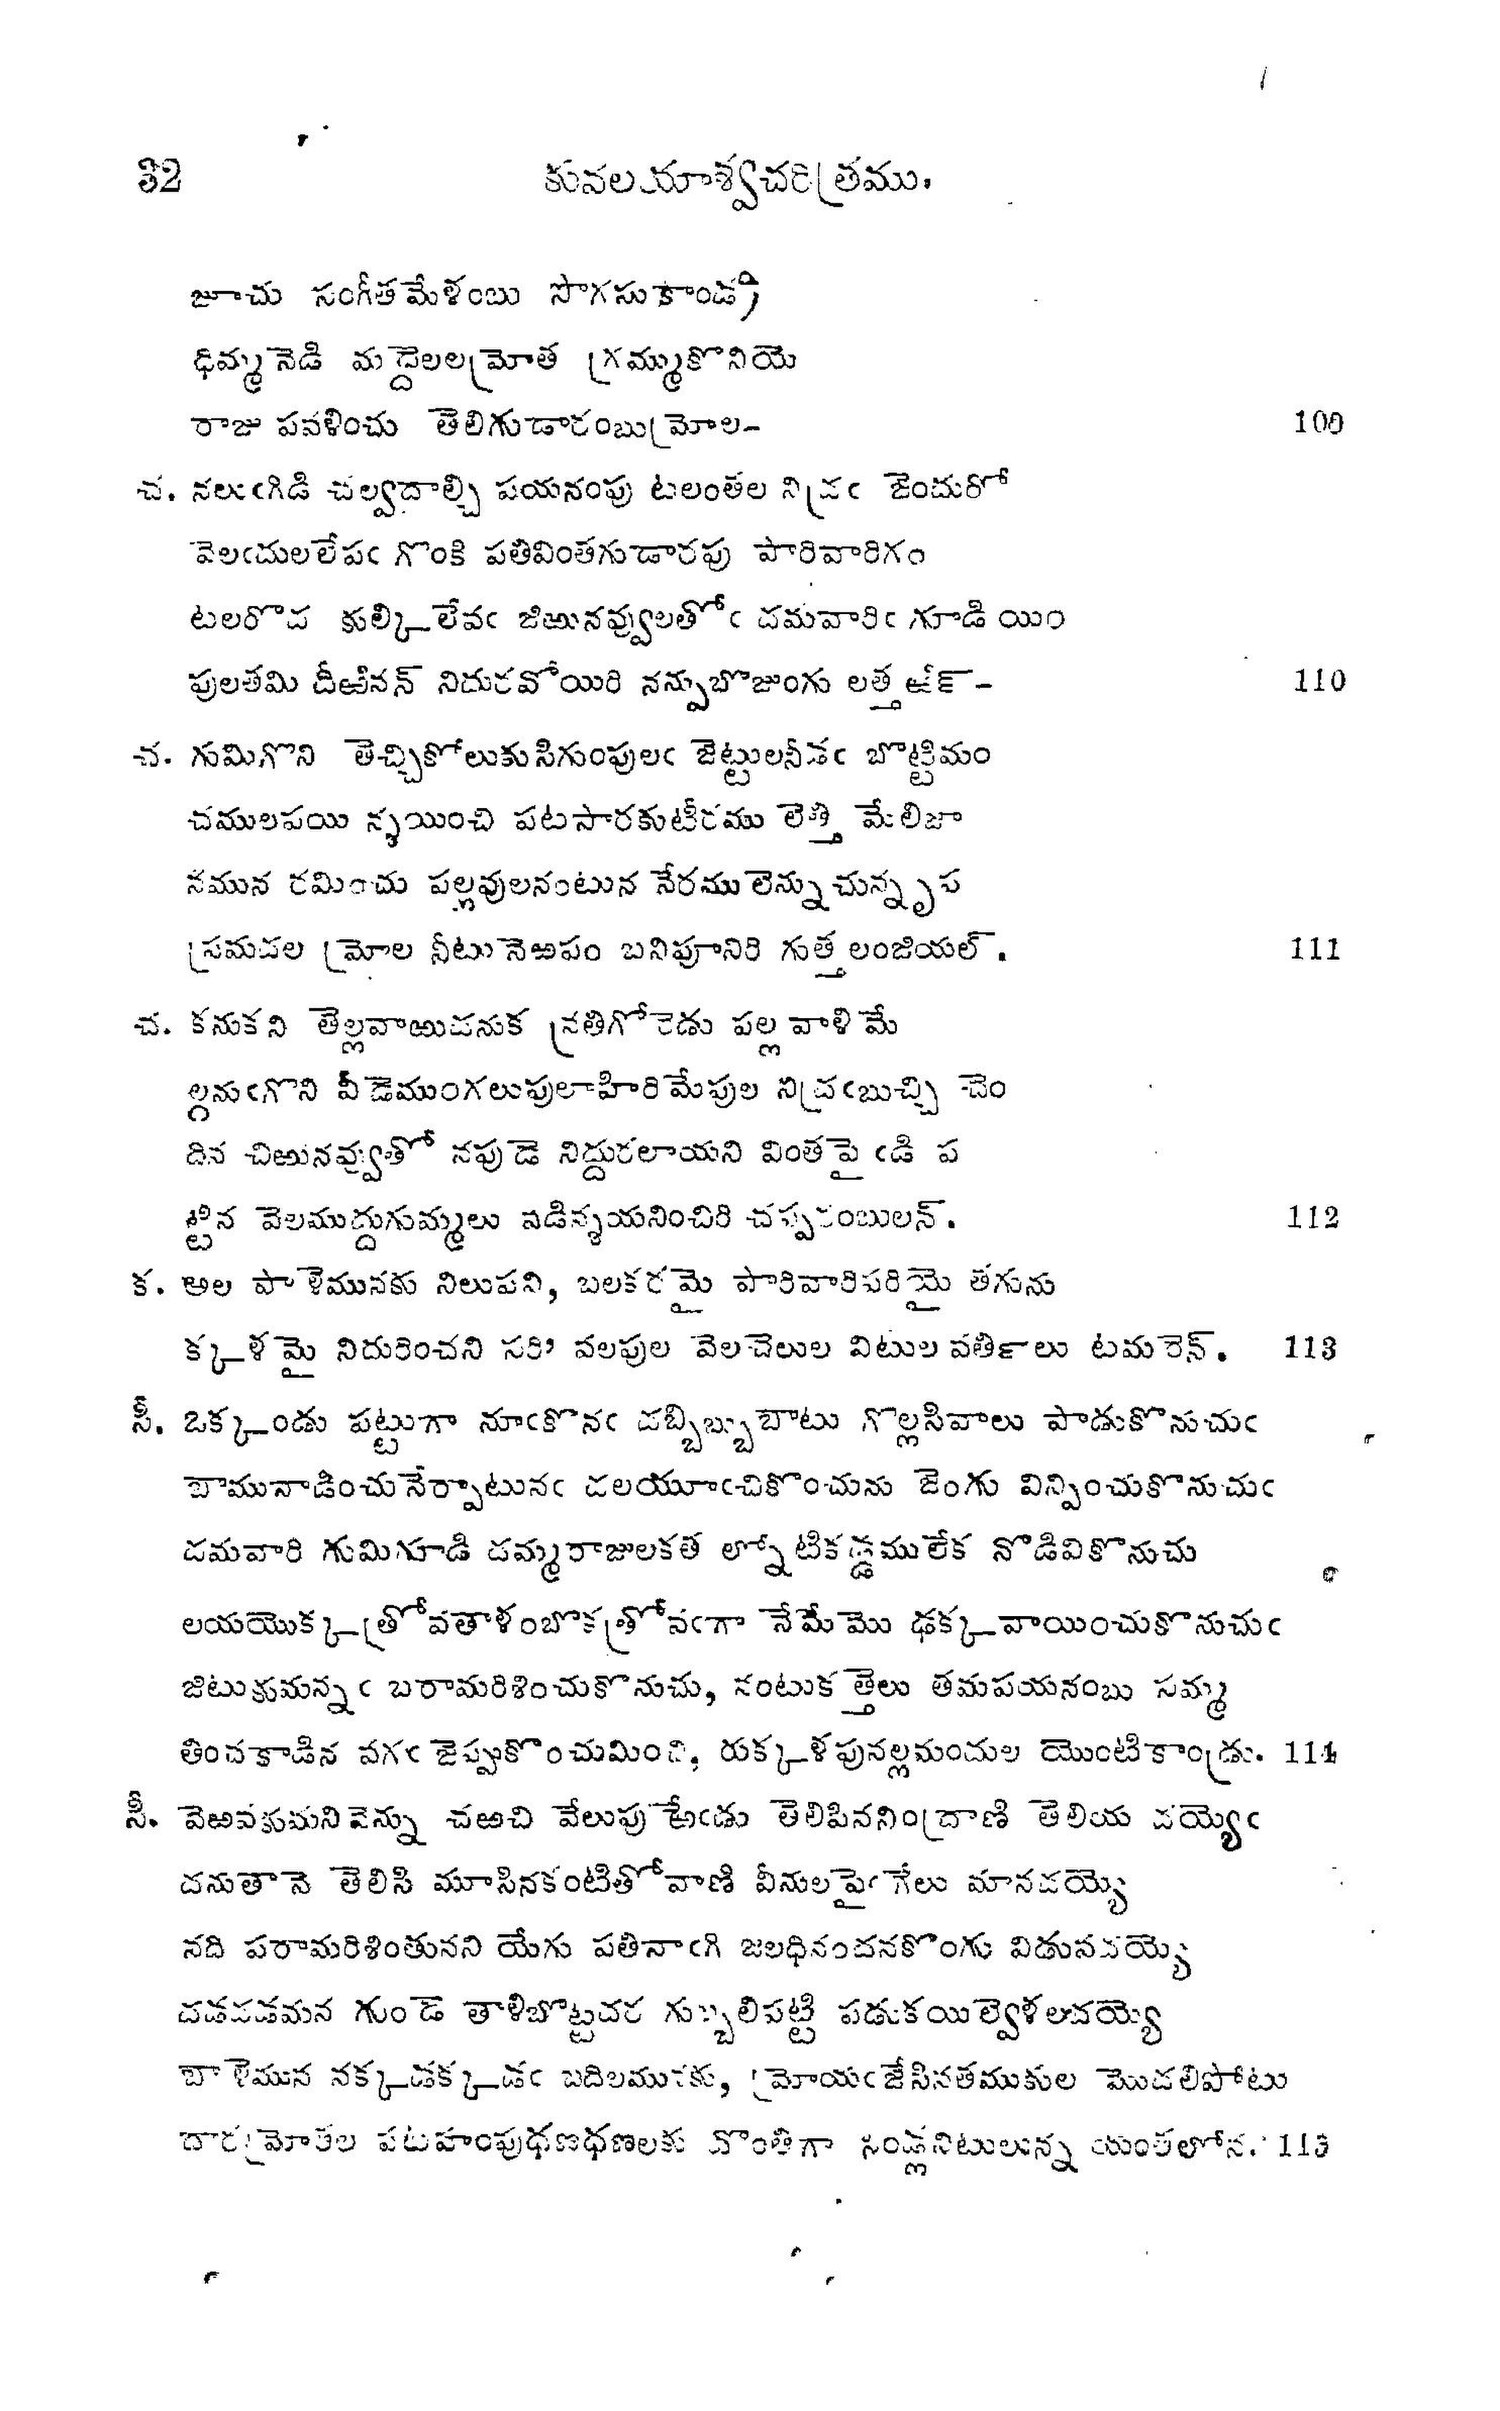జూచు సంగీతమేళంబు సొగసుకాండ్ర
ధిమ్మనెడి మద్దెలలమ్రోత గ్రమ్ముకొనియె
రాజు పవళించు తెలిగుడారంబుమ్రోల.
చ. నలుఁగిడి చల్వదాల్చి పయనంపు టలంతల నిద్రఁ జెంచురో
వెలఁదుల లేపఁ గొంకి పతివింతగుడారపు పారివారిగం
టలరొద కుల్కిలేవఁ జిఱునవ్వులతోఁ చమవారిఁ గూడి యిం
పుల తమి దీఱినన్ నిదురవోయిరి నన్పుబొజుంగు లత్తఱిన్.
చ. గుమిగొని తెచ్చికోలుకుసిగుంపులఁ జెట్టులనీడఁ బొట్టిమం
చములపయి స్శయించి పటసారకుటీరము లెత్తితే మేలిజా
నమున రమించు పల్లవులనంటున నేరము లెన్నుచు న్నృప
ప్రమపల మ్రోల నీటు నెఱపం బనిపూనిరి గుత్తలంజియల్.
చ. కనుకని తెల్లవాఱుదనుక న్రతిగోరెడు పల్లవాళిమే
ల్గనుఁగొని వీడెముంగలుపు లాహిరిమేపుల నిద్రఁబుచ్చి చెం
దిన చిఱునవ్వుతో నపుడె నిద్దురలాయని వింతపైఁడి ప
ట్టిన వెలముద్దుగుమ్మలు వడిన్శయనించిరి చప్పరంబులన్.
క. అల పాళెమునకు నిలుపని, బలకరమై పారివారిపరియై తెగును
క్కళమై నిదురించని సరి' వలపుల వెలచెలుల విటుల వర్తిలు టమరెన్.
సీ. ఒక్కండు పట్టుగా నూఁకొనఁ దబ్బిబ్బుబాటు గొల్లసివాలు పాడుకొనుచుఁ
బాము నాడించు నేర్పాటునఁ దల యూఁచికొంచును జెంగు విన్పించుకొనుచుఁ
దమవారి గుమిగూడి దమ్మ రాజులకత ల్నోటి కడ్డము లేక నొడివికొనుచు
లయ యొక్కత్రోవ తాళం బొకత్రోవఁగా నేమేమొ ఢక్క వాయించుకొనుచుఁ
జిటుకుమన్నఁ బరామరిశించుకొనుచు, నంటుకత్తెలు తమపయనంబు సమ్మ
తించకాడిన వగఁ జెప్పుకొంచుమించి, రుక్కళపునల్లమందుల యొంటికాండ్రు.
సీ. వెఱవకుమని వెన్ను చఱచి వేలుపుఱేఁడు తెలిపిన నింద్రాణి తెలియదయ్యెఁ
దను తానె తెలిసి మూసినకంటితో వాణివీనులపైఁ గేలు మానదయ్యె
నది పరామరిశింతునని యేగు పతినాఁగి జలధినందనకొంగు విడువదయ్యె
దడదడమన గుండె తాళిబొ ట్టదర గుబ్బలిపట్టి పడుకయి ల్వెళలదయ్యె
బాళెమున నక్కడక్కడఁ బదిలమునకు, మ్రోయఁజేసినతముకుల మొదలిపోటు
దారమ్రోతల పటహంపుధణధణలకు దొంతిగా నిండ్ల నిటులున్న యంతలోన.